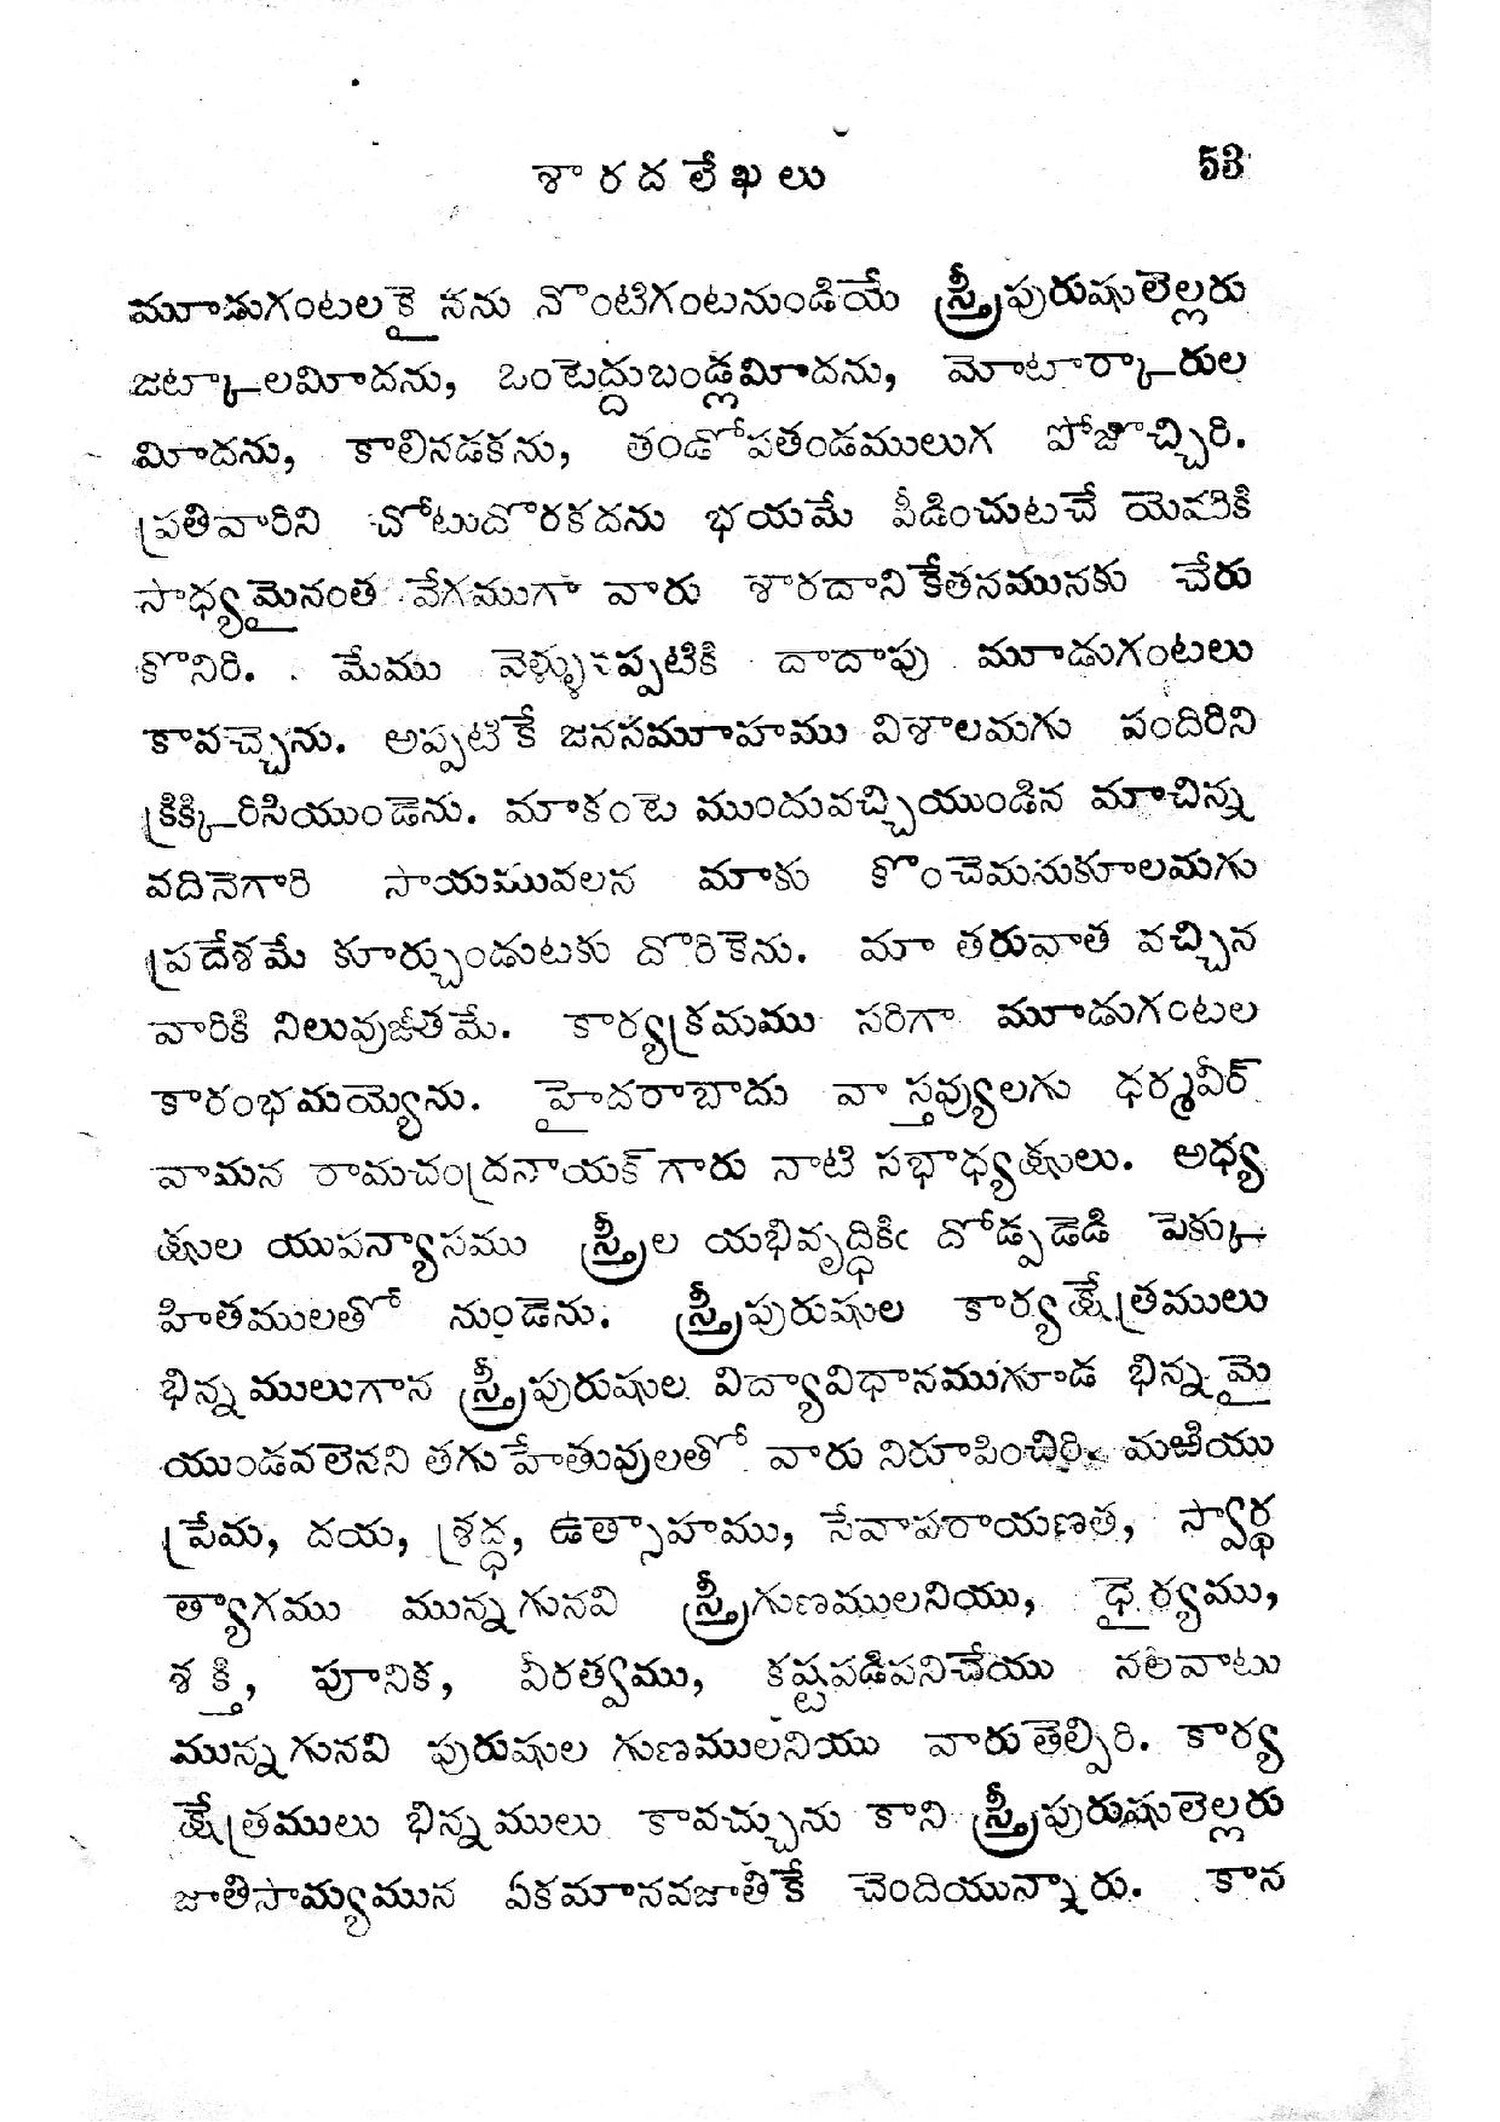మూడుగంటలకైనను నొంటిగంటనుండియే స్త్రీపురుషులెల్లరు జట్కాలమీదను, ఒంటెద్దుబండ్లమీదను, మోటార్కారుల విూదను, కాలినడకను, తండోపతండములుగ పోజొచ్చిరి. ప్రతివారిని చోటుదొరకదను భయమే పీడించుటచే యెవరికి సాధ్యమైనంత వేగముగా వారు శారదానికేతనమునకు చేరుకొనిరి. మేము వెళ్ళునప్పటికి దాదాపు మూడుగంటలు కావచ్చెను. అప్పటికే జనసమూహము విశాలమగు పందిరిని
క్రిక్కిరిసియుండెను. మాకంటె ముందువచ్చియుండిన మాచిన్నవదినగారి సాయమువలన మాకు కొంచెమనుకూలమగు ప్రదేశమే కూర్చుండుటకు దొరికెను. మా తరువాత వచ్చిన వారికి నిలువుజీతమే. కార్యక్రమము సరిగా మూడుగంటల కారంభమయ్యెను. హైదరాబాదు వాస్తవ్యులగు ధర్మవీర్ వామన రామచంద్రనాయక్‌గారు నాటి సభాధ్యక్షులు. అధ్యక్షుల యుపన్యాసము స్త్రీల యభివృద్ధికిఁ దోడ్పడెడి పెక్కు
హితములతో నుండెను. స్త్రీపురుషుల కార్యక్షేత్రములు భిన్నములుగాన స్త్రీపురుషుల విద్యావిధానముగూడ భిన్నమై యుండవలెనని తగు హేతువులతో వారు నిరూపించిరి. మఱియు ప్రేమ, దయ, శ్రద్ధ, ఉత్సాహము, సేవాపరాయణత, స్వార్థ త్యాగము మున్నగునవి స్త్రీగుణములనియు, ధైర్యము, శక్తి, పూనిక, వీరత్వము, కష్టపడిపనిచేయు నలవాటు మున్నగునవి పురుషుల గుణములనియు వారుతెల్పిరి. కార్య
క్షేత్రములు భిన్నములు కావచ్చును కాని స్త్రీపురుషులెల్లరు జాతిసామ్యమున ఏకమానవజాతికే చెందియున్నారు. కాన